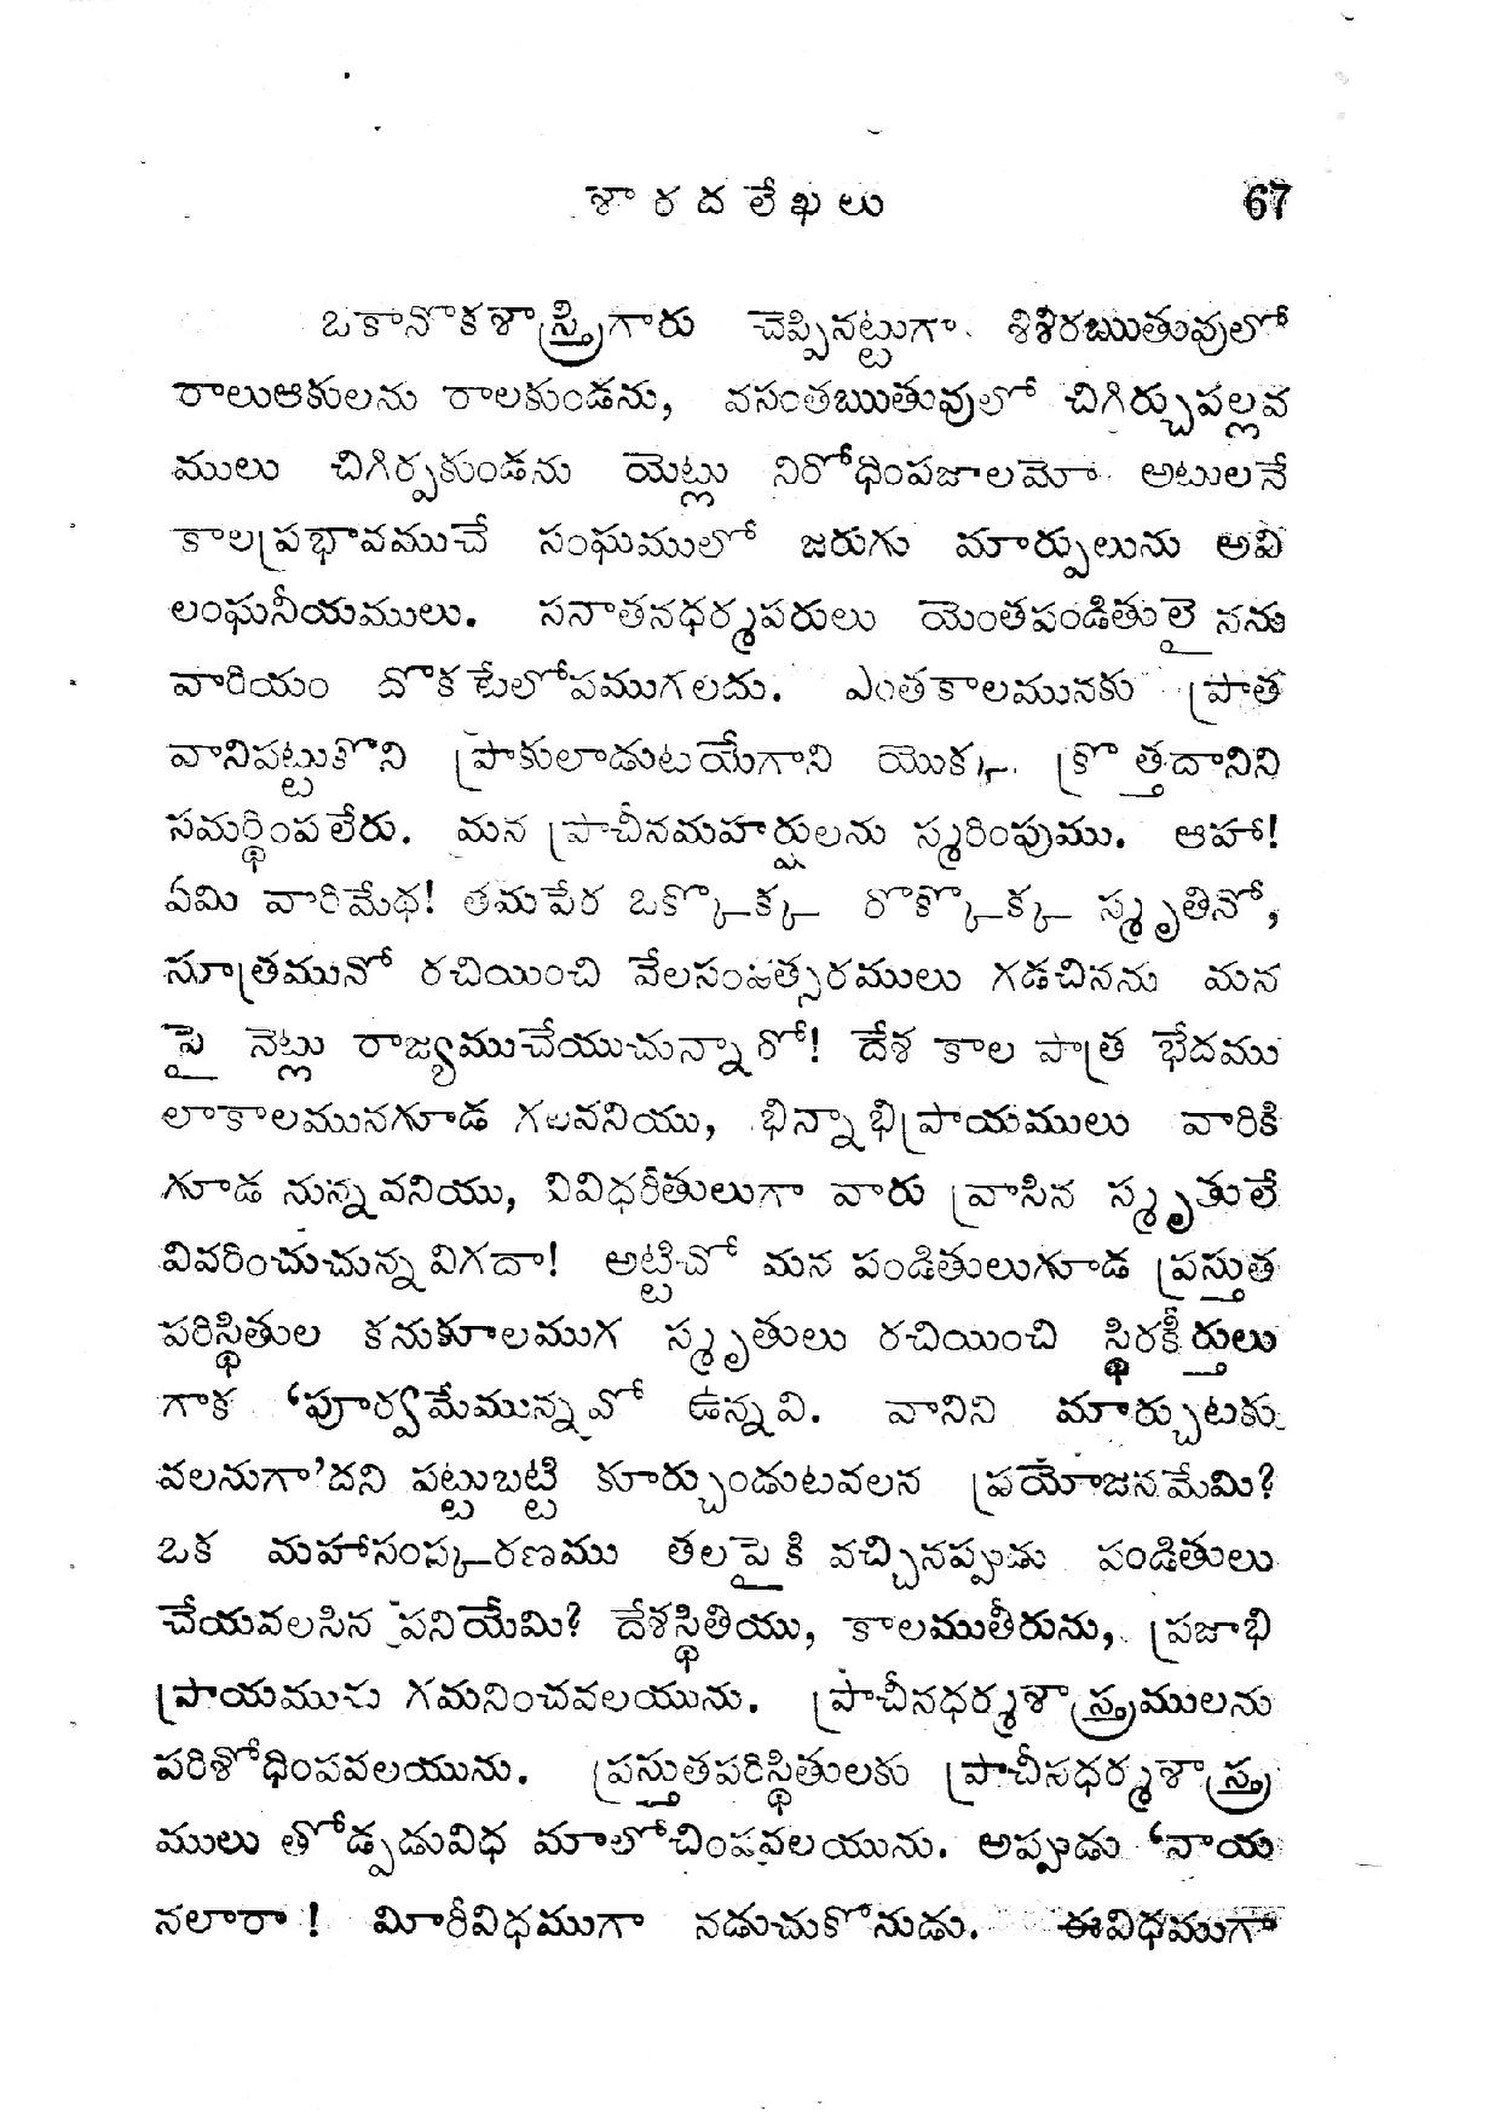ఒకానొకశాస్త్రిగారు చెప్పినట్టుగా శిశిరఋతువులో 
రాలు ఆకులను రాలకుండను, వసంతఋతువులో చిగిర్చువల్లన 
ములు చిగిర్పకుండను యెట్లు నిరోధింపజాలమో అటులనే 
కాలప్రభావముచే సంఘములో జరుగు మార్పులను అవి 
లంఘనీయములు. సనాతనధర్మపరులు యెంతపండితులై నను 
వారియం దొకటేలోపముగలదు. ఎంతకాలమునకు ప్రాత 
వానిపట్టుకొని ప్రాకులాడుటయేగాని యొక్క క్రొత్తదానిని 
సమర్థింపలేరు. మన ప్రాచీనమహర్షులను స్మరింపుము. ఆహ! 
ఏమి వారిమేథ!తమపేర ఒక్కొక్క రొకొక్క స్మృతినో 
సూత్రమునో రచియించి వేల సంవత్సరములు గడిచినను మన 
పై నెట్లు రాజ్యము చేయుచున్నారో! దేశ కాల పాత్ర భేదము 
లాకాలమున గూడ గలవనియు,భిన్నాభిప్రాయములు వారికి 
గూడ నన్నువనియు వివిధ రీతులుగా వారు వ్రాసిన స్మృతులే 
వివరించుచున్న విగదా! అట్టిచో మన పండితులు గూడా ప్రస్తుత 
పరిస్థితుల కనుకూలముగా స్మృతులు రచియించి స్థిరకీర్తులు 
గాక 'పూర్వమేమున్నవో ఉన్నవి. వానిని మార్చుటకు 
వలనుగా' దని పట్టుబట్టి కూర్చుండుట వలన ప్రయోజనమేమి 
ఒక మహా సంస్కరణము తలపైకి వచ్చినప్పుడు పండితులు 
చేయవలసిన పని యేమి? దేశ స్థితియు, కాలముతీరును, ప్రజాభి
ప్రాయమును గమనించ వలయును. ప్రాచీన ధర్మశాస్త్రములను 
పరిశోధింపవలెయును. ప్రస్తుత పరిస్థితులకు ప్రాచీన ధర్మశాస్త్ర
ములు తోడ్పడువిధ మాలోచింపవలెయును. అప్పుడు 'నాయ
నలారా! మీరివిధముగా నడుచుకొనుడు ఈ విధముగా